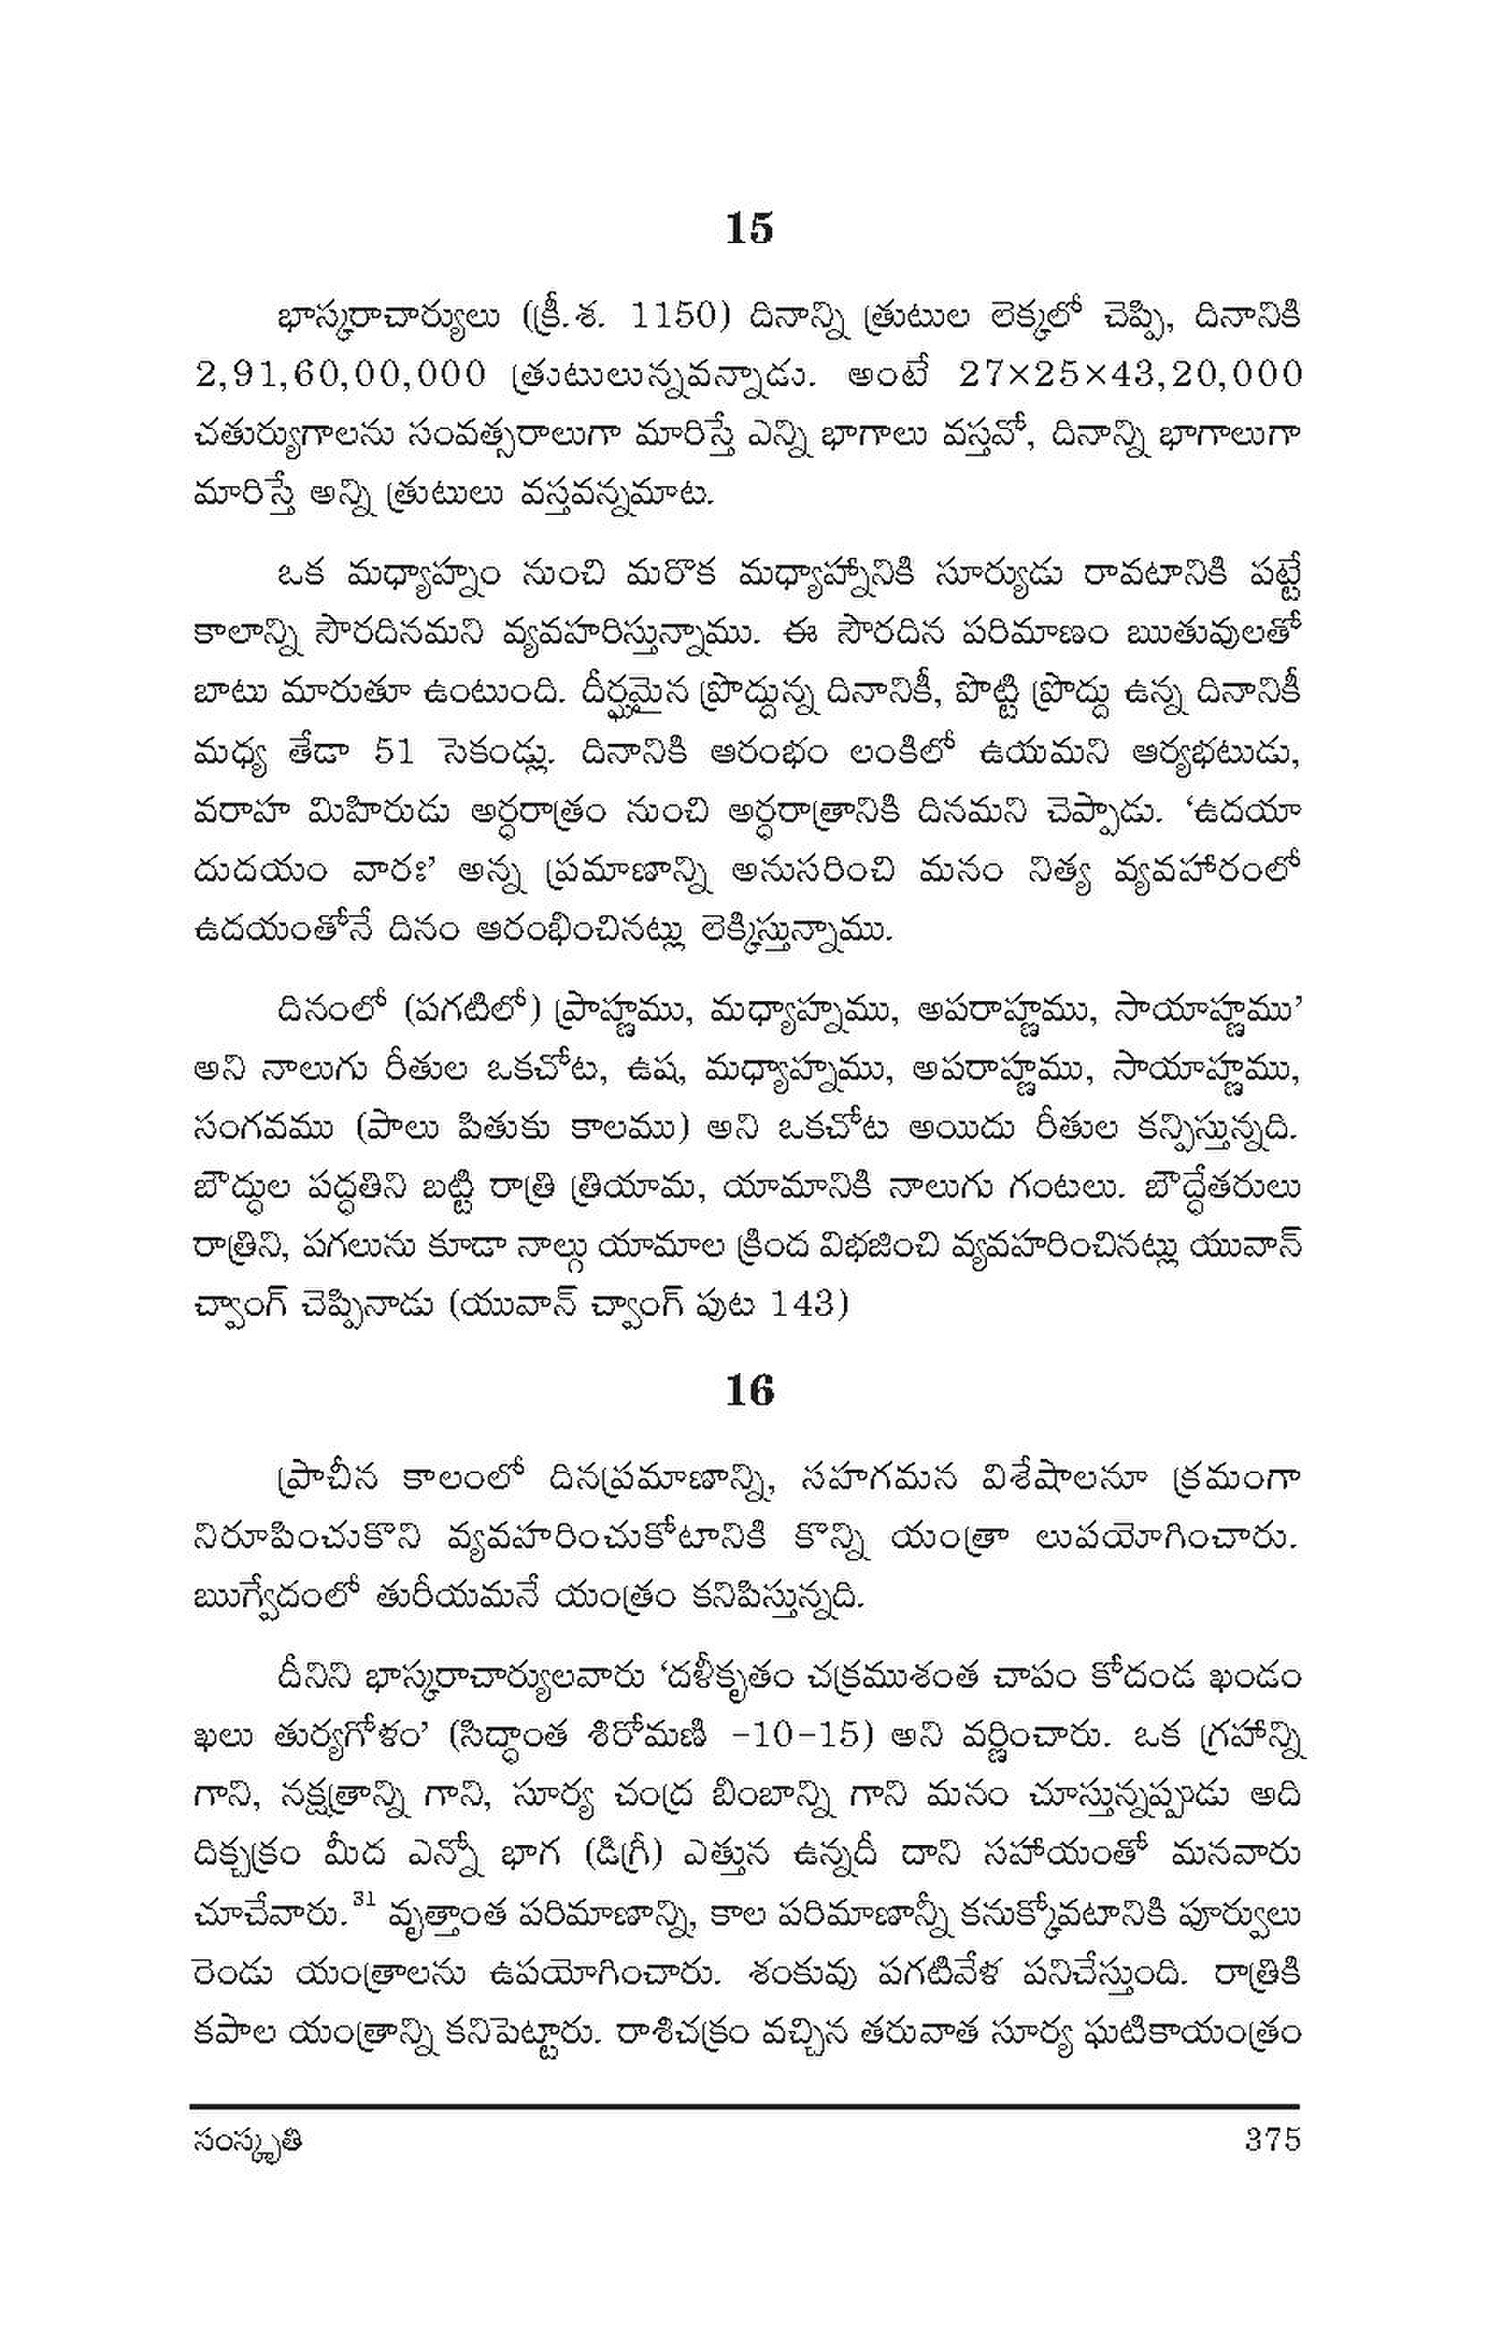భాస్కరాచార్యులు (క్రీ.శ. 1150) దినాన్ని త్రుటుల లెక్కలో చెప్పి, దినానికి
2,91,60,00,000 త్రుటులున్నవన్నాడు. అంటే 27x25x43,20,000
చతుర్యుగాలను సంవత్సరాలుగా మారిస్తే ఎన్ని భాగాలు వస్తవో, దినాన్ని భాగాలుగా
మారిస్తే అన్ని త్రుటులు వస్తవన్నమాట.
ఒక మధ్యాహ్నం నుంచి మరొక మధ్యాహ్నానికి సూర్యుడు రావటానికి పట్టే
కాలాన్ని సౌరదినమని వ్యవహరిస్తున్నాము. ఈ సౌరదిన పరిమాణం ఋతువులతో
బాటు మారుతూ ఉంటుంది. దీర్ఘమైన ప్రొద్దున్న దినానికీ, పొట్టి ప్రొద్దు ఉన్న దినానికీ
మధ్య తేడా 51 సెకండ్లు. దినానికి ఆరంభం లంకిలో ఉయమని ఆర్యభటుడు,
వరాహ మిహిరుడు అర్ధరాత్రం నుంచి అర్ధరాత్రానికి దినమని చెప్పాడు. 'ఉదయా
దుదయం వారః' అన్న ప్రమాణాన్ని అనుసరించి మనం నిత్య వ్యవహారంలో
ఉదయంతోనే దినం ఆరంభించినట్లు లెక్కిస్తున్నాము. 
దినంలో (పగటిలో) ప్రాహము, మధ్యాహ్నము, అపరాహము, సాయాహము'
అని నాలుగు రీతులు ఒకచోట, ఉష, మధ్యాహ్నము, అపరాహము, సాయాహము,
సంగవము (పాలు పితుకు కాలము) అని ఒకచోట అయిదు రీతుల కన్పిస్తున్నది.
బౌద్ధుల పద్ధతిని బట్టి రాత్రి త్రియామ, యామానికి నాలుగు గంటలు. బౌద్ధేతరులు
రాత్రిని, పగలును కూడా నాల్గు యామాల క్రింద విభజించి వ్యవహరించినట్లు యువాన్
చ్వాంగ్ చెప్పినాడు (యువాన్ చ్యాంగ్ పుట 143) 

ప్రాచీన కాలంలో దినప్రమాణాన్ని, సహగమన విశేషాలనూ క్రమంగా
నిరూపించుకొని వ్యవహరించుకోటానికి కొన్ని యంత్రా లుపయోగించారు.
ఋగ్వేదంలో తురీయమనే యంత్రం కనిపిస్తున్నది.

దీనిని భాస్కరాచార్యులవారు 'దళీకృతం చక్రముశంత చాపం కోదండ ఖండం
ఖలు తుర్యగోళం' (సిద్ధాంత శిరోమణి -10-15) అని వర్ణించారు. ఒక గ్రహాన్ని
గాని, నక్షత్రాన్ని గాని, సూర్య చంద్ర బింబాన్ని గాని మనం చూస్తున్నప్పుడు అది
దిక్చక్రం మీద ఎన్నో భాగ (డిగ్రీ) ఎత్తున ఉన్నదీ దాని సహాయంతో మనవారు
చూచేవారు. వృత్తాంత పరిమాణాన్ని, కాల పరిమాణాన్నీ కనుక్కోవటానికి పూర్వులు
రెండు యంత్రాలను ఉపయోగించారు. శంకువు పగటివేళ పనిచేస్తుంది. రాత్రికి
కపాల యంత్రాన్ని కనిపెట్టారు. రాశిచక్రం వచ్చిన తరువాత సూర్య ఘటికాయంత్రం